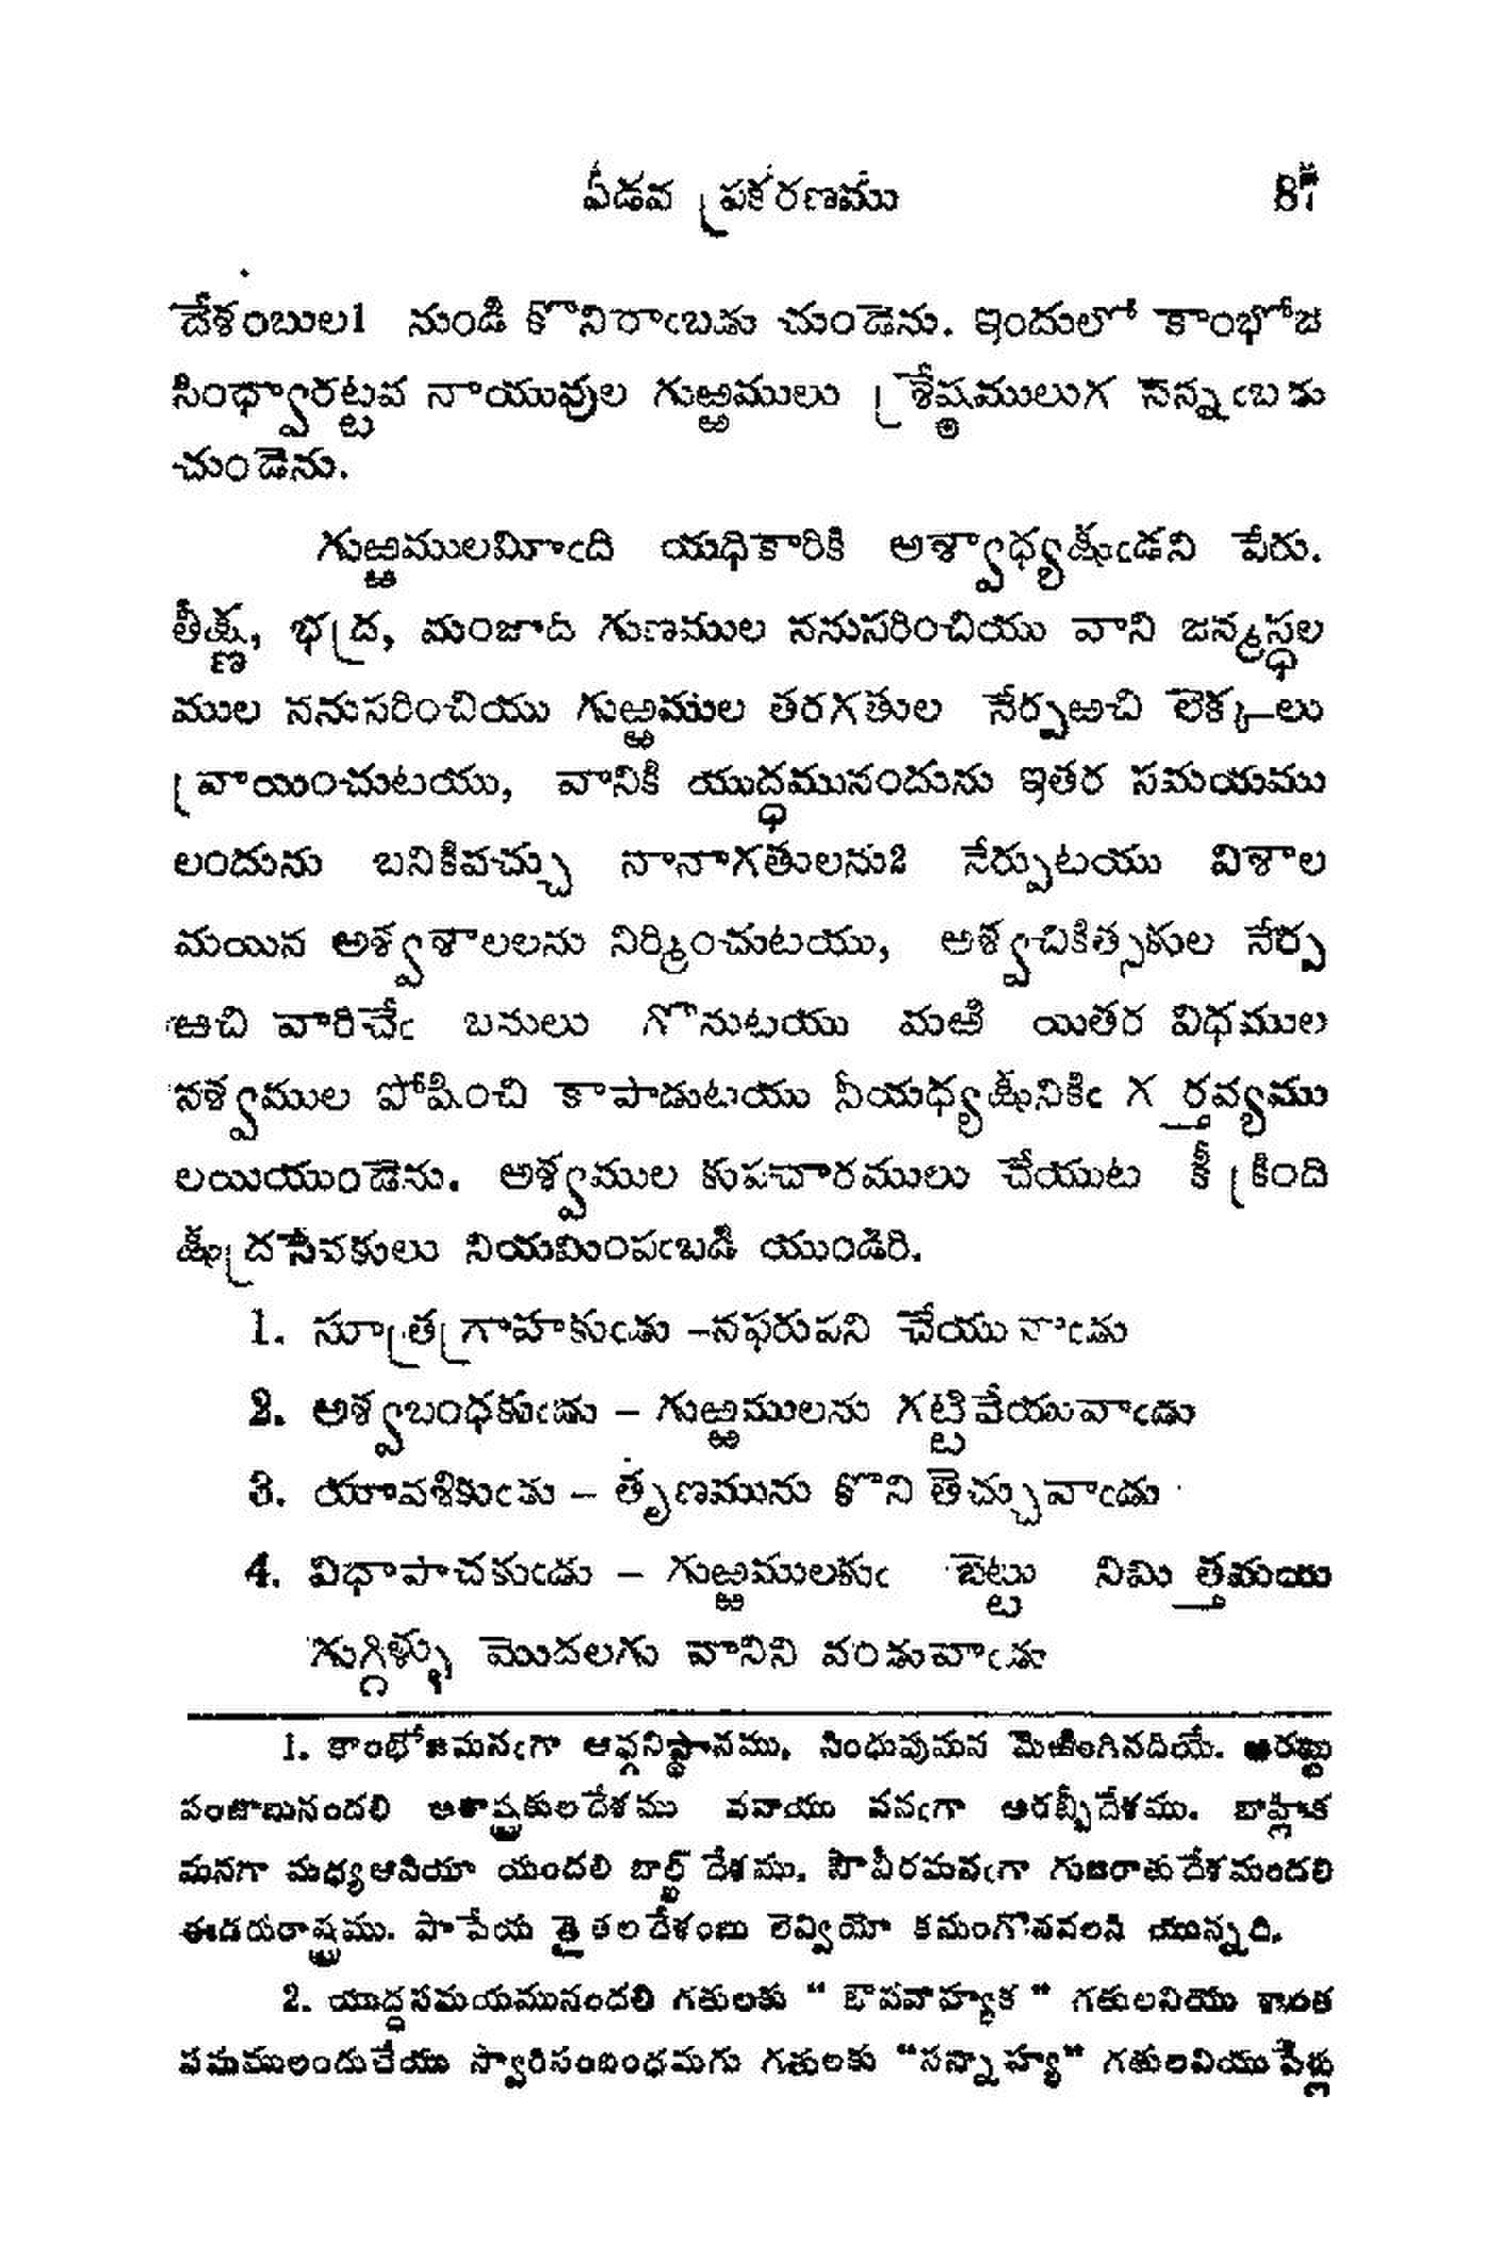దేశంబుల1 నుండి కొనిరాఁబడు చుండెను. ఇందులో కాంభోజ సింధ్వారట్టవ నాయువుల గుజ్జములు శ్రేష్ఠములుగ నెన్నఁబడు చుండెను.

గుఱ్ఱములమీఁది. యధికారికి అశ్వాధ్యక్షుఁడని పేరు. తీక్ష్ణ, భద్ర, మంజాది గుణముల ననుసరించియు వాని జన్మస్థలముల ననుసరించియు గుఱ్ఱముల తరగతుల నేర్పఱచి లెక్కలు వ్రాయించుటయు, వానికి యుద్ధమునందును ఇతర సమయము లందును బనికివచ్చు నానాగతులను2 నేర్పుటయు విశాలమయిన అశ్వశాలలను నిర్మించుటయు, అశ్వచికిత్సకుల నేర్పఱిచి వారిచేఁ బనులు గొనుటయు మఱి యితర విధముల నశ్వముల పోషించి కాపాడుటయు నీయధ్యక్షునికిఁ గర్తవ్యములయియుండెను. అశ్వముల కుపచారములు చేయుట కీ క్రింది క్షుద్రసేవకులు నియమింపఁబడి యుండిరి. 

1. సూత్రగ్రాహకుఁడు -నఫరుపని చేయువాఁడు 

2. అశ్వబంధకుఁడు - గుఱ్ఱములను గట్టివేయువాఁడు 

3. యావశికుఁడు - తృణమును కొని తెచ్చువాఁడు 

4. విధాపాచకుఁడు - గుఱ్ఱములకుఁ బెట్టు నిమిత్తమయి గుగ్గిళ్ళు మొదలగు వానిని వండువాఁడు